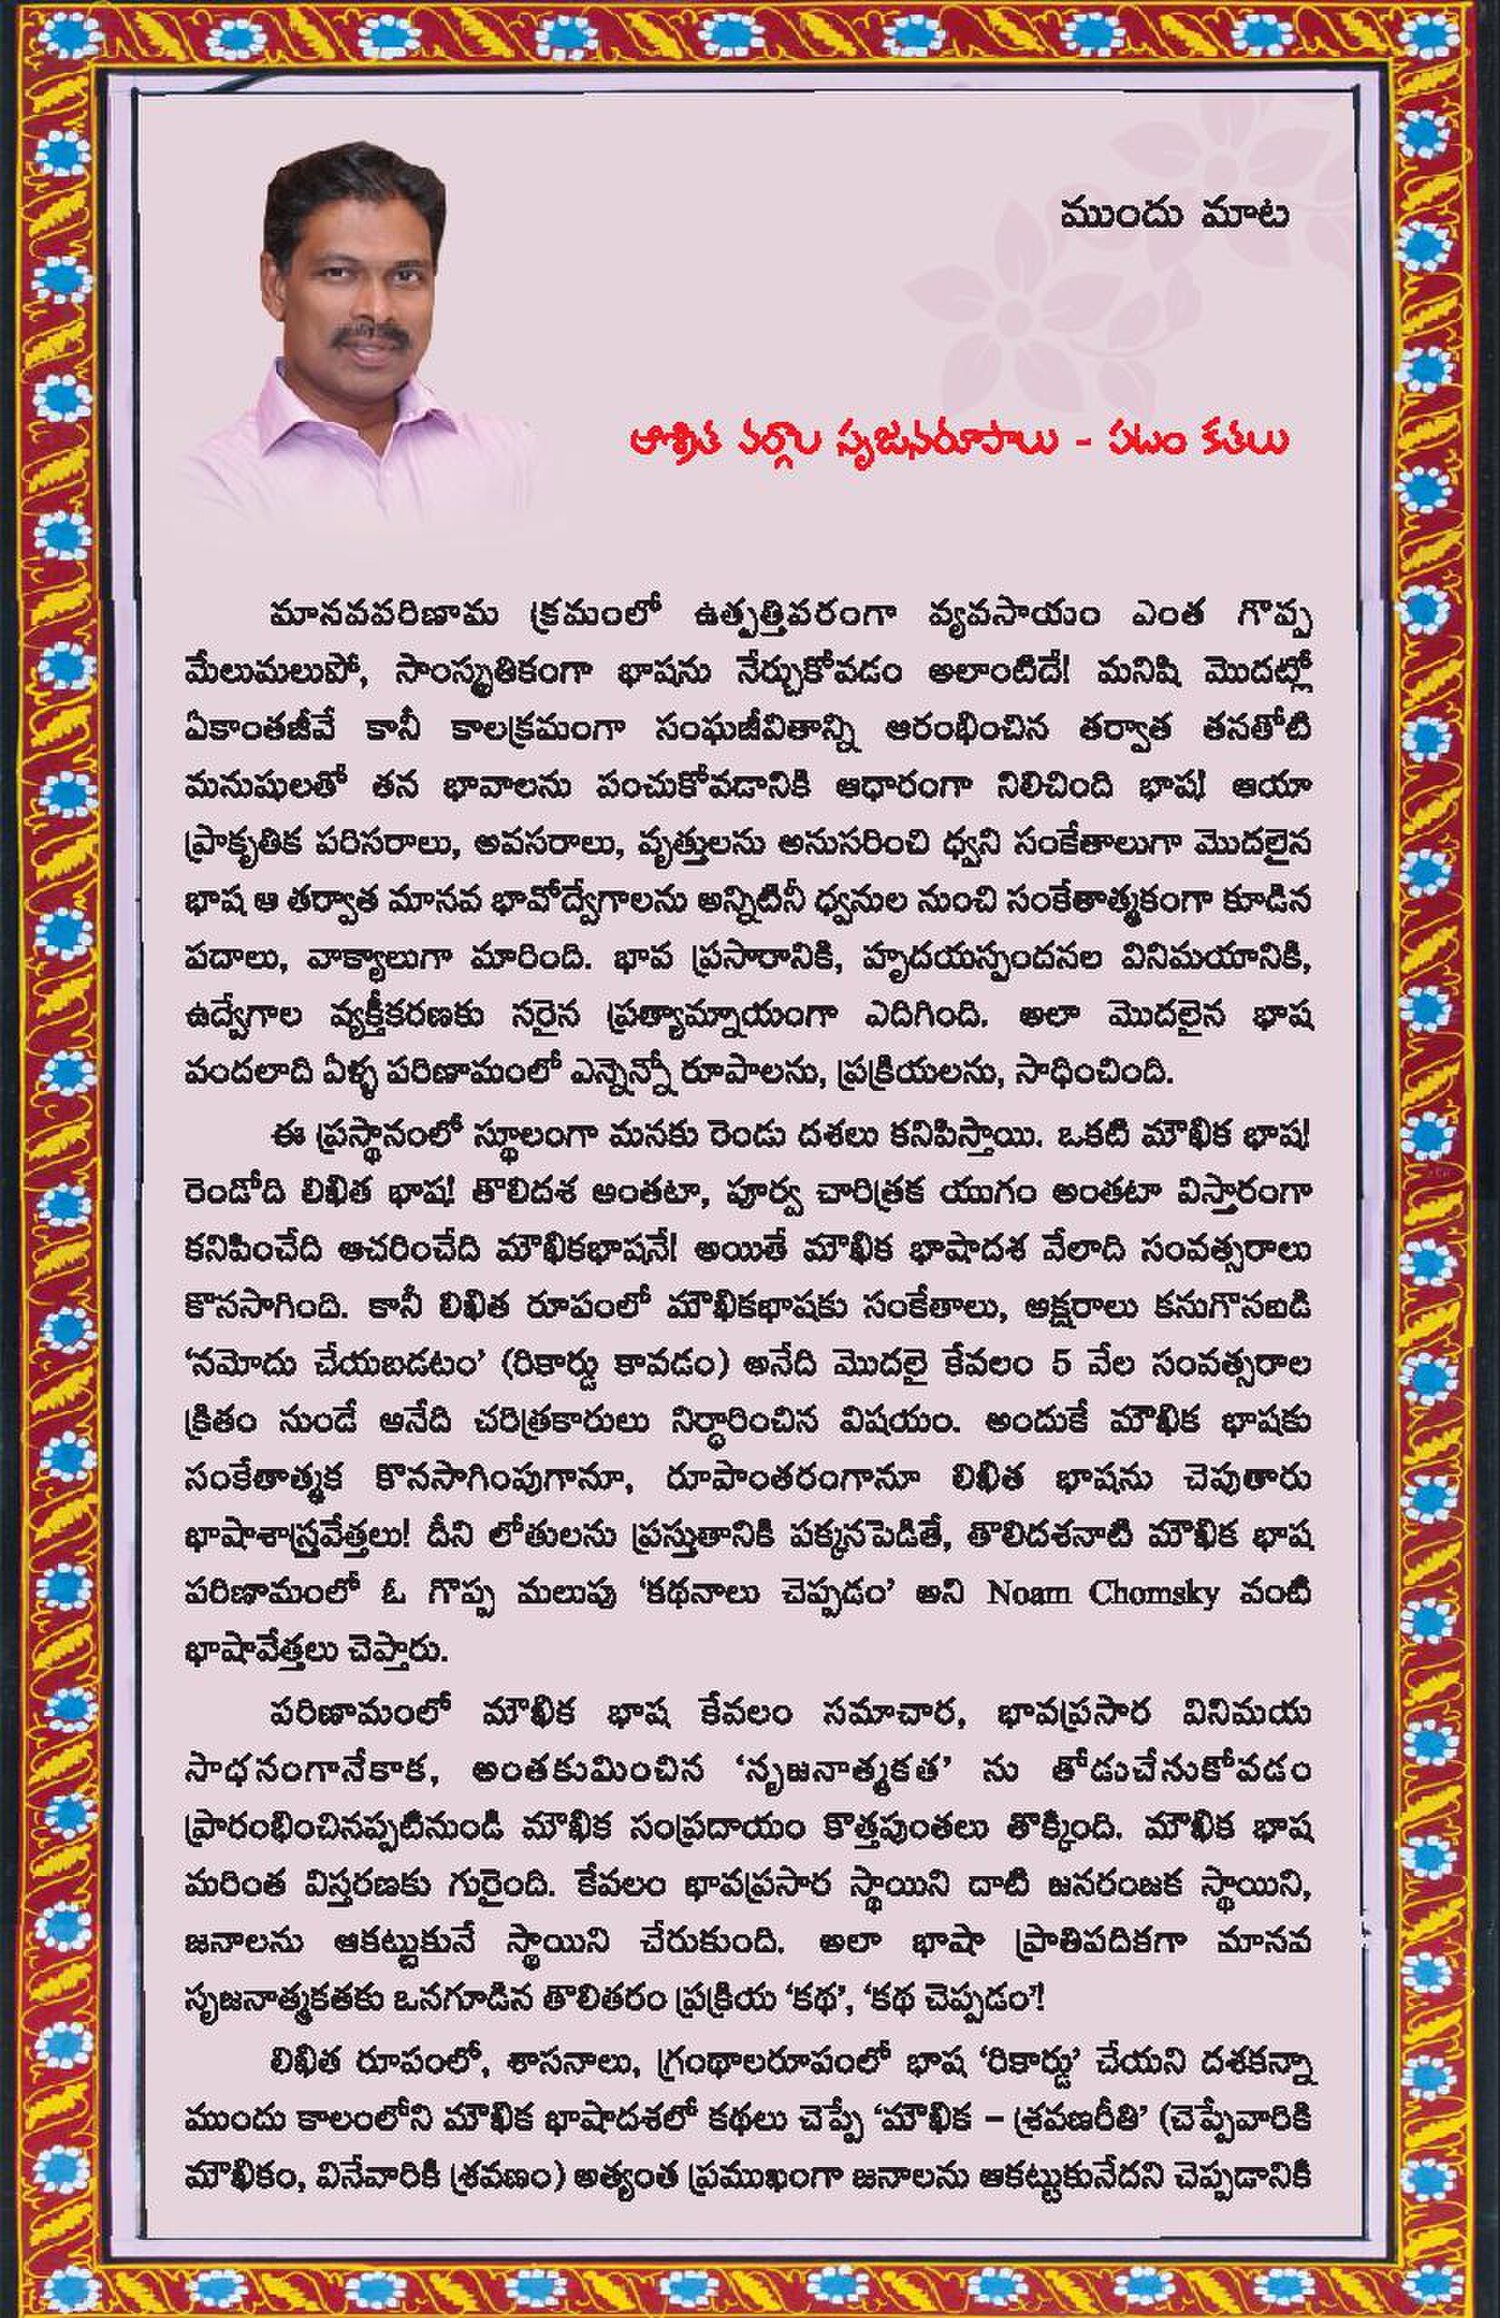మానవవరిణామ క్రమంలో ఉత్పత్తివరంగా వ్యవసాయం ఎంత గొప్ప మేలుమలుపో, సాంస్కృతికంగా భాషను నేర్చుకోవడం అలాంటిదే! మనిషి మొదట్లో ఏకాంతజీవే కానీ కాలక్రమంగా సంఘజీవితాన్ని ఆరంభించిన తర్వాత తనతోటి మనుషులతో తన భావాలను పంచుకోవడానికి ఆధారంగా నిలిచింది భాష! ఆయా ప్రాకృతిక పరిసరాలు, అవసరాలు, వృత్తులను అనుసరించి ధ్వని సంకేతాలుగా మొదలైన భాష ఆ తర్వాత మానవ భావోద్వేగాలను అన్నిటినీ ధ్వనుల నుంచి సంకేతాత్మకంగా కూడిన పదాలు, వాక్యాలుగా మారింది. భావ ప్రసారానికి, హృదయస్పందనల వినిమయానికి, ఉద్వేగాల వ్యక్తీకరణకు సరైన ప్రత్యామ్నాయంగా ఎదిగింది. అలా మొదలైన భాష వందలాది ఏళ్ళ పరిణామంలో ఎన్నెన్నో రూపాలను, ప్రక్రియలను, సాధించింది.

ఈ ప్రస్థానంలో స్థూలంగా మనకు రెండు దశలు కనిపిస్తాయి. ఒకటి మౌఖిక భాష! రెండోది లిఖిత భాష తొలిదశ అంతటా, పూర్వ చారిత్రక యుగం అంతటా విస్తారంగా కనిపించేది ఆచరించేది మౌఖికభాషనే! అయితే మౌఖిక భాషాదశ వేలాది సంవత్సరాలు కొనసాగింది. కానీ లిఖిత రూపంలో మౌఖికభాషకు సంకేతాలు, అక్షరాలు కనుగొనబడి 'నమోదు చేయబడటం' (రికార్డు కావడం) అనేది మొదలై కేవలం 5 వేల సంవత్సరాల క్రితం నుండే అనేది చరిత్రకారులు నిర్ధారించిన విషయం. అందుకే మౌఖిక భాషకు సంకేతాత్మక కొనసాగింపుగానూ, రూపాంతరంగానూ లిఖిత భాషను చెపుతారు భాషాశాస్త్రవేత్తలు! దీని లోతులను ప్రస్తుతానికి పక్కనపెడితే, తొలిదశనాటి మౌఖిక భాష పరిణామంలో ఓ గొప్ప మలుపు 'కథనాలు చెప్పడం' అని Noam Chomsky వంటి భాషావేత్తలు చెప్తారు.

పరిణామంలో మౌళిక భాష కేవలం సమాచార, భావప్రసార వినిమయ సాధనంగానేకాక, అంతకుమించిన 'సృజనాత్మకత' ను తోడుచేసుకోవడం ప్రారంభించినప్పటినుండి మౌఖిక సంప్రదాయం కొత్తపుంతలు తొక్కింది. మౌఖిక భాష మరింత విస్తరణకు గురైంది. కేవలం భావప్రసార స్థాయిని దాటి జనరంజక స్థాయిని, జనాలను ఆకట్టుకునే స్థాయిని చేరుకుంది. అలా భాషా ప్రాతిపదికగా మానవ సృజనాత్మకతకు ఒనగూడిన తొలితరం ప్రక్రియ 'కథ', 'కథ చెప్పడం'!

లిఖిత రూపంలో, శాసనాలు, గ్రంథాలరూపంలో భాష 'రికార్డు' చేయని దశకన్నా ముందు కాలంలోని మౌఖిక భాషాదశలో కథలు చెప్పే 'మౌఖిక - శ్రవణరీతి' (చెప్పేవారికి మౌళికం, వినేవారికి శ్రవణం) అత్యంత ప్రముఖంగా జనాలను ఆకట్టుకునేదని చెప్పడానికి